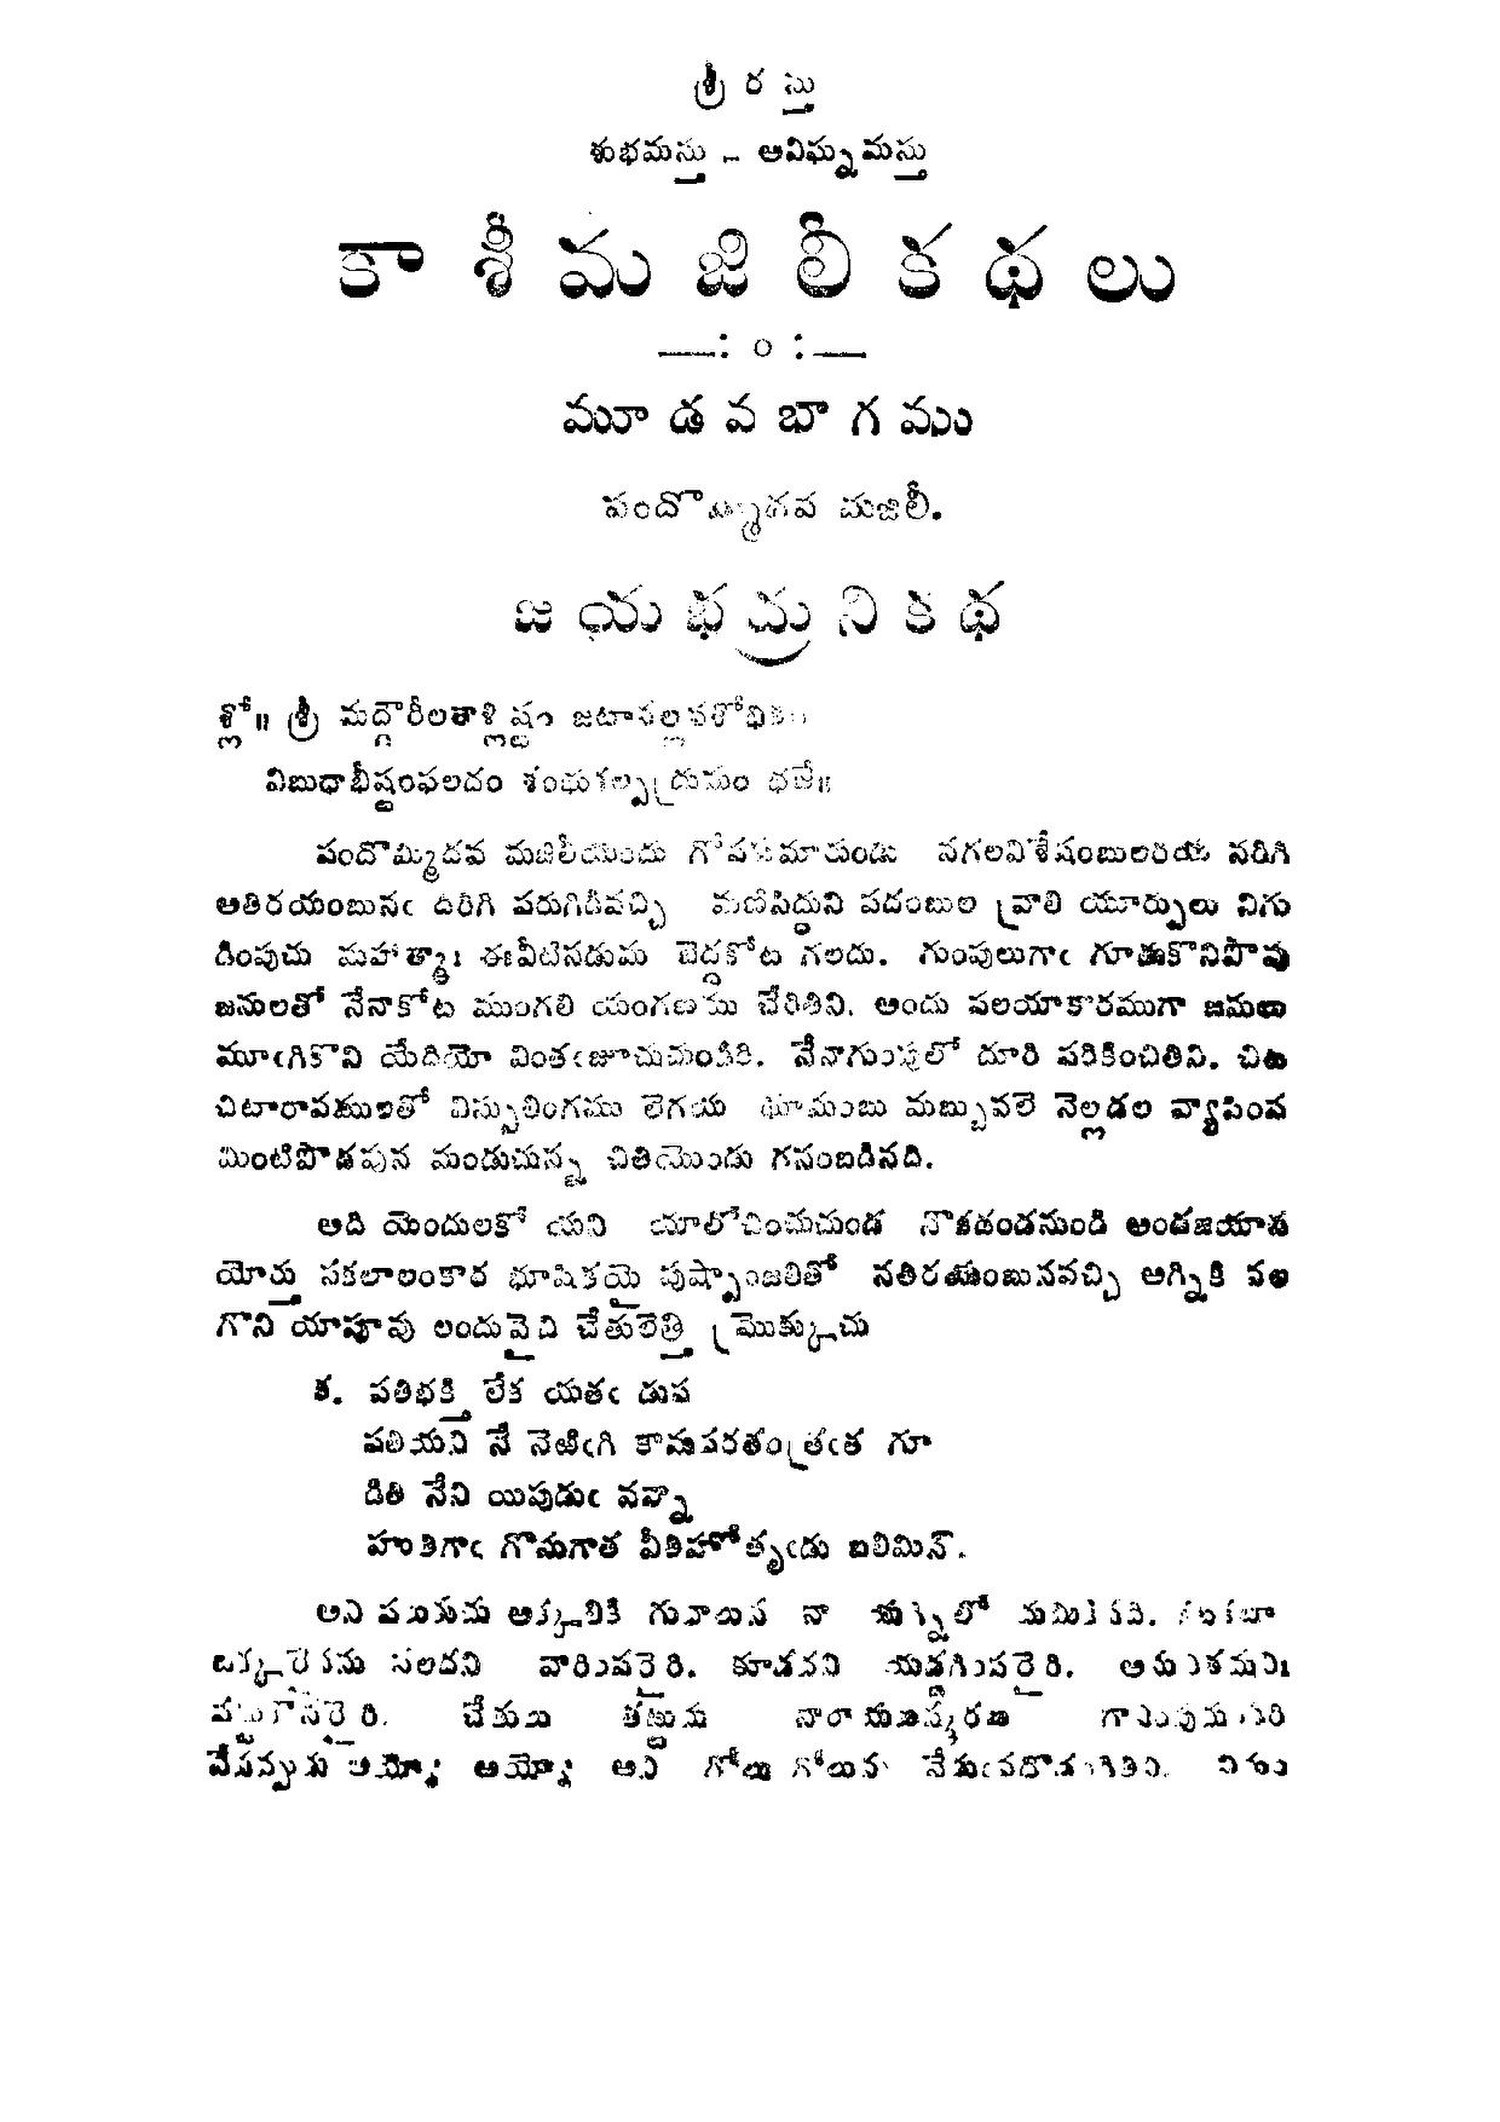కాశీమజిలీకథలు

మూడవ భాగము

జయభద్రునికథ

శ్లో॥ శ్రీ మద్గౌరీలతాళ్లిష్టం జటావల్లవశోభితం
 విబుధాభీష్టంఫలదం శంభుకల్పద్రుమం భజే॥
పందొమ్మిదవ మజిలీయందు గోపకుమారుండు నగలవిశేషంబు లరయ నరిగి అతిరయంబునఁ దిరిగి పరుగిడివచ్చి మణిసిద్ధుని పదంబుల వ్రాలి యూర్పులు నిగుడింపుచు మహాత్మా! ఈవీటినడుమ బెద్దకోట గలదు. గుంపులుగాఁ గూడుకొనిపోవు జనులతో నే నాకోట ముంగలి యంగణము చేరితిని. అందు వలయాకారముగా జనులు మూఁగికొని యేదియో వింతఁ జూచుచుండిరి. నే నాగుంపులో దూరి పరికించితిని. చిటచిటారావములతో విస్ఫులింగము లెగయ ధూమంబు మబ్బువలె నెల్లడల వ్యాపింప మింటిపొడవున మండుచున్న చితియొండు గనంబడినది.

అది యెందులకో యని యాలోచించుచుండ నొకదండనుండి అండజయాన యోర్తు సకలాలంకారభూషితయై పుష్పాంజలితో నతిరయంబునవచ్చి అగ్నికి వలగొని యాపూవు లందువైచి చేతులెత్తి మ్రొక్కుచు 

క. పతిభక్తి లేక యతఁ డుప 
 పతియని నే నెఱిఁగి కామపరతంత్రఁత గూ 
 డితి నేని యిపుడుఁ నన్నా
 హుతిగాఁ గొనుగాత వీతిహోతృఁడు బలిమిన్.
అని పలుకుచు అక్కలికి గుభాలున నాయగ్నిలో దుమికినది. కటకటా ఒక్కరైనను వలదని వారింపరైరి. కూడదని యడ్డగింపరైరి. అనుచితమని పట్టుకొనరైరి. చేతులు తట్టుచు నారాయణస్మరణ గావింపుచుండిరి. నే నప్పుడు అయ్యో అయ్యో అని గోలుగోలున నేడువదొడంగితిని. వినుం